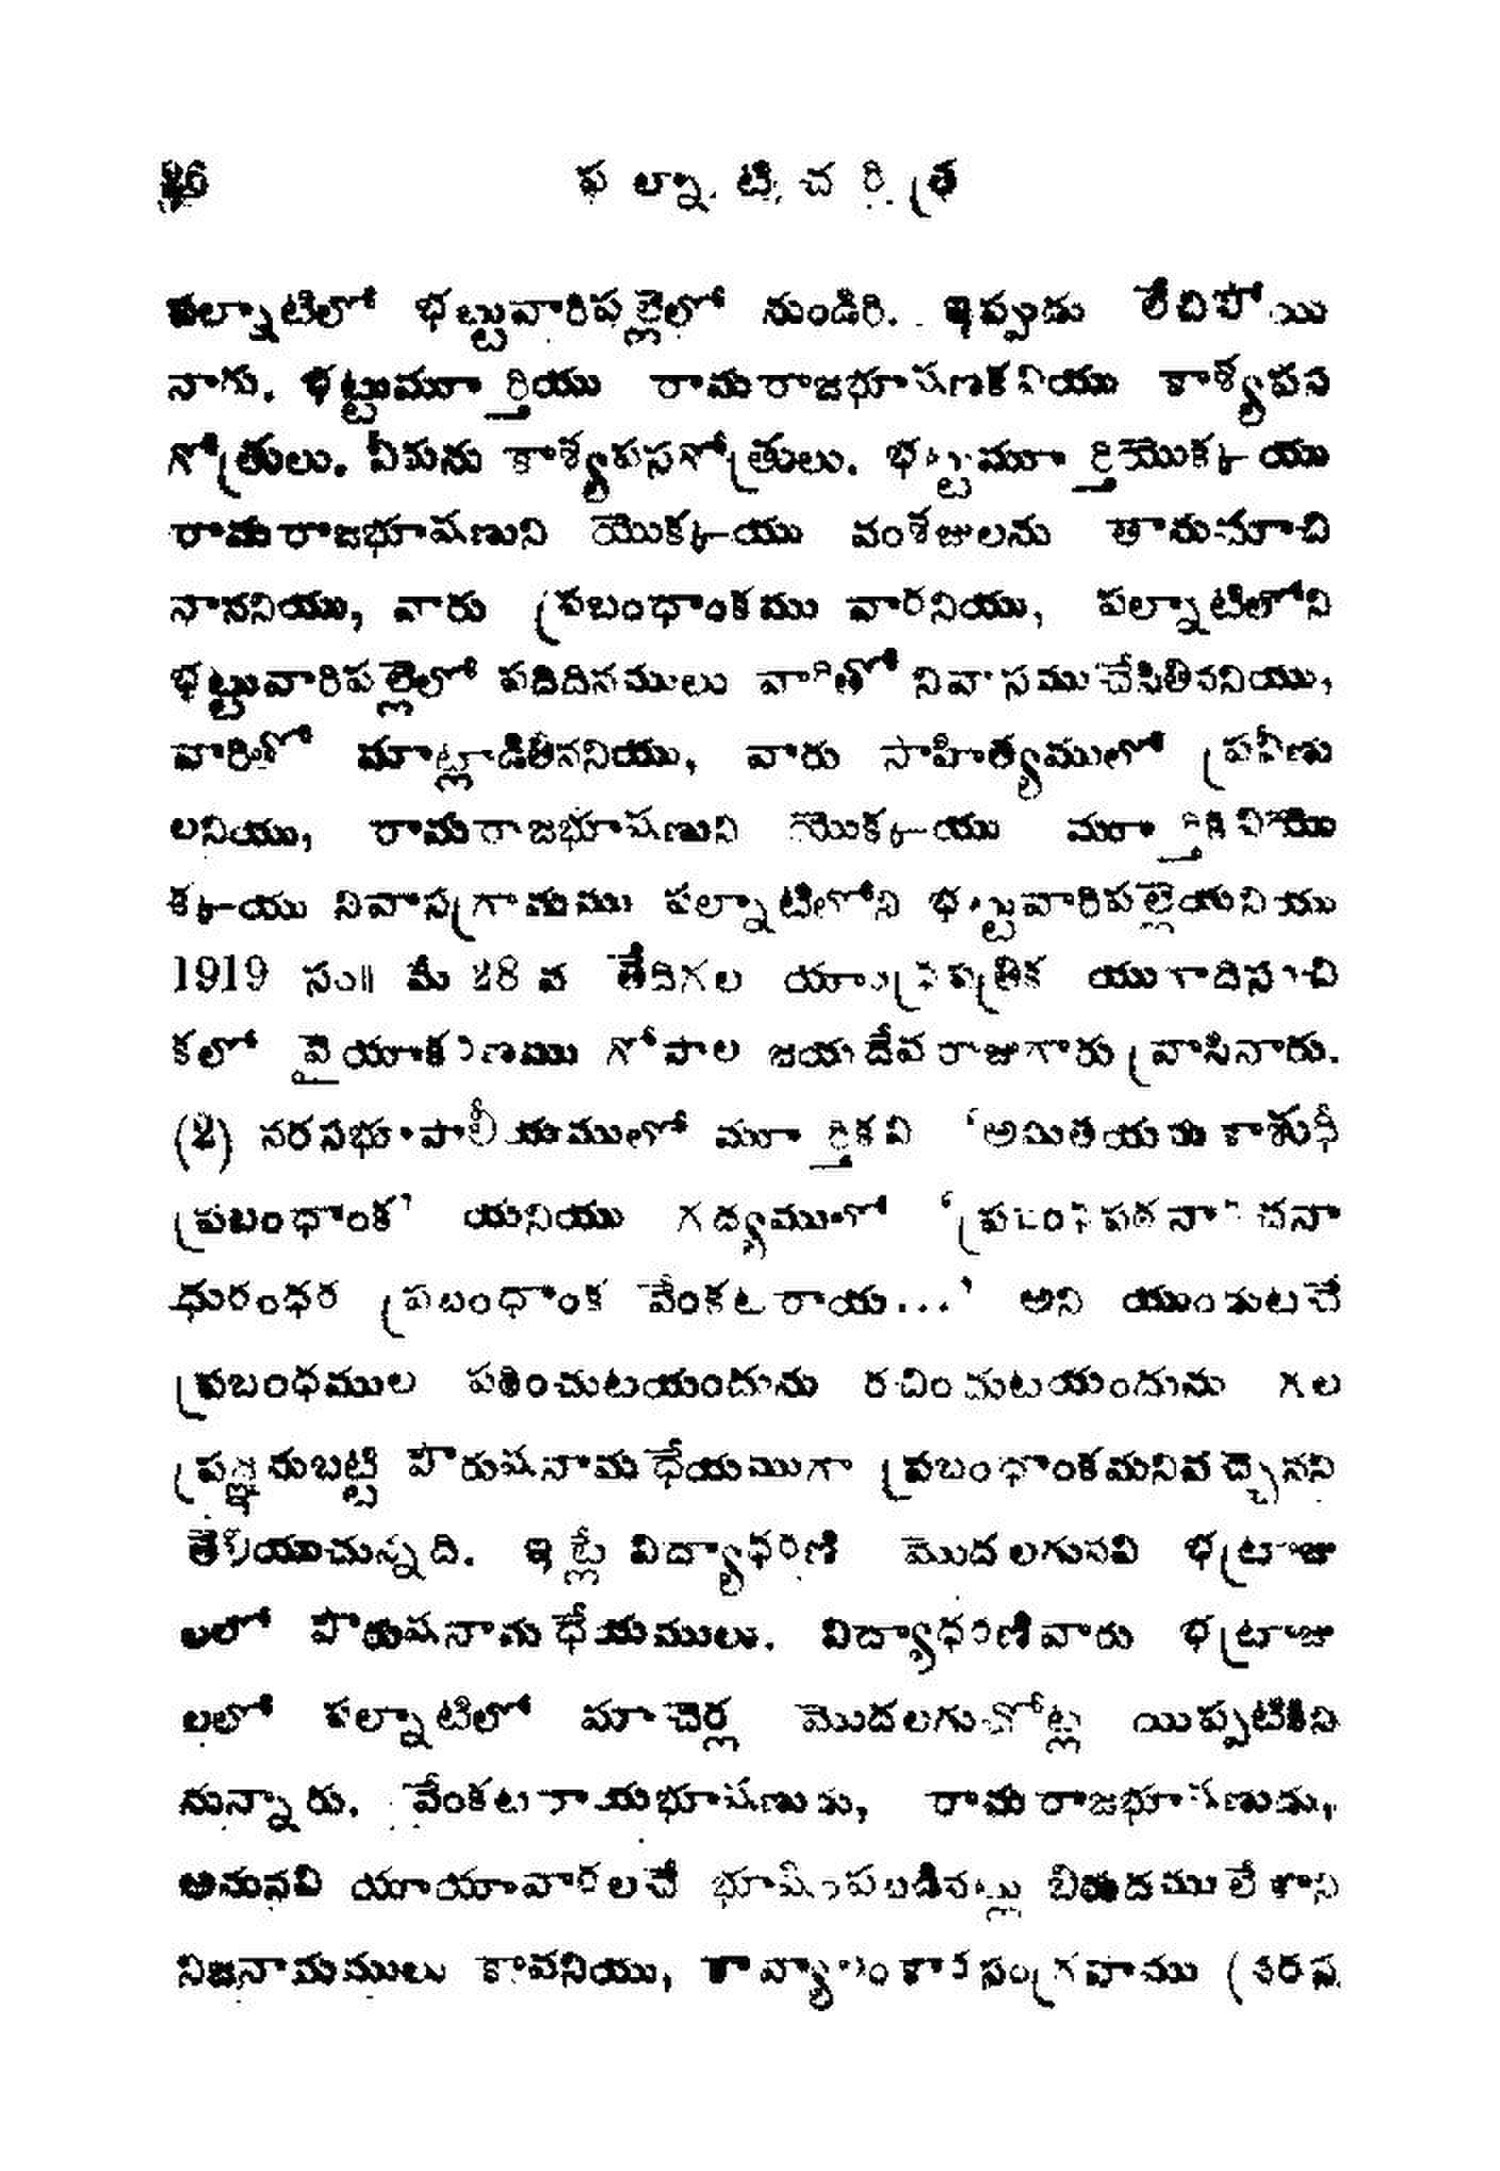పల్నాటిలో భట్టువారిపల్లెలో నుండిరి. ఇప్పుడు లేచిపోయినారు. 
భట్టుమూర్తియు రామరాజభూషణకనియు కాశ్యపసగోత్రులు. 
వీరును కాశ్యపసగోత్రులు,భట్టుమూర్తియొక్కయు
రామరాజభూషణుని యొక్కయు వంశజులను తానుచూచి
నాననియు, వారు ప్రబంధాంకము వారనియు, పల్నాటిలోని
భట్టువారిపల్లెలో పదిదినములు వారితో నివాసము చేసితిననియు,
వారితో మాట్లాడితిననియు, వారు సాహిత్యములో ప్రవీణులనియు, 
రామరాజభూషణుని యొక్కయు మూర్తి కవియొక్కయు 
నివాసగ్రామము పల్నాటిలోని భట్టువారిపల్లెయనియు
1919 సం॥ మే 28 వ తేదిగల యాంధ్రపత్రిక యుగాది సంచికలో 
వైయాకరణము గోపాల జయదేవరాజుగారు వ్రాసినారు.

(2) నరసభూపాలీయములో మూర్తికవి 'అమితయమకాశుధీ 
ప్రబంధాంక' యనియు గద్యములో 'ప్రబంధపఠనారచనా
ధురంధర ప్రబంధాంక వేంకటరాయ...' అని యుండుటచే
ప్రబంధములు పఠించుటయందును రచించుటయందును గల 
ప్రజ్ఞనుబట్టి పౌరుషనామధేయముగా ప్రబంధాంకమనివచ్చెనని
తెలియుచున్నది. ఇట్లే విద్యాధరిణి మొదలగునవి భట్రాజు
లలో పౌరుషనామధేయములు, విద్యాధరణీవారు భట్రాజు
లలో పల్నాటిలో మాచెర్ల మొదలగుచోట్ల యిప్పటికిని
నున్నారు. వేంకటరాయభూషణుడు, రామరాజభూషణుడు,
అనునవి యయావారలచే భూషింపబడినట్లు బిరుదములే కాని
నిజనామములు కావనియు, కావ్యాలంకారసంగ్రహము (నరస